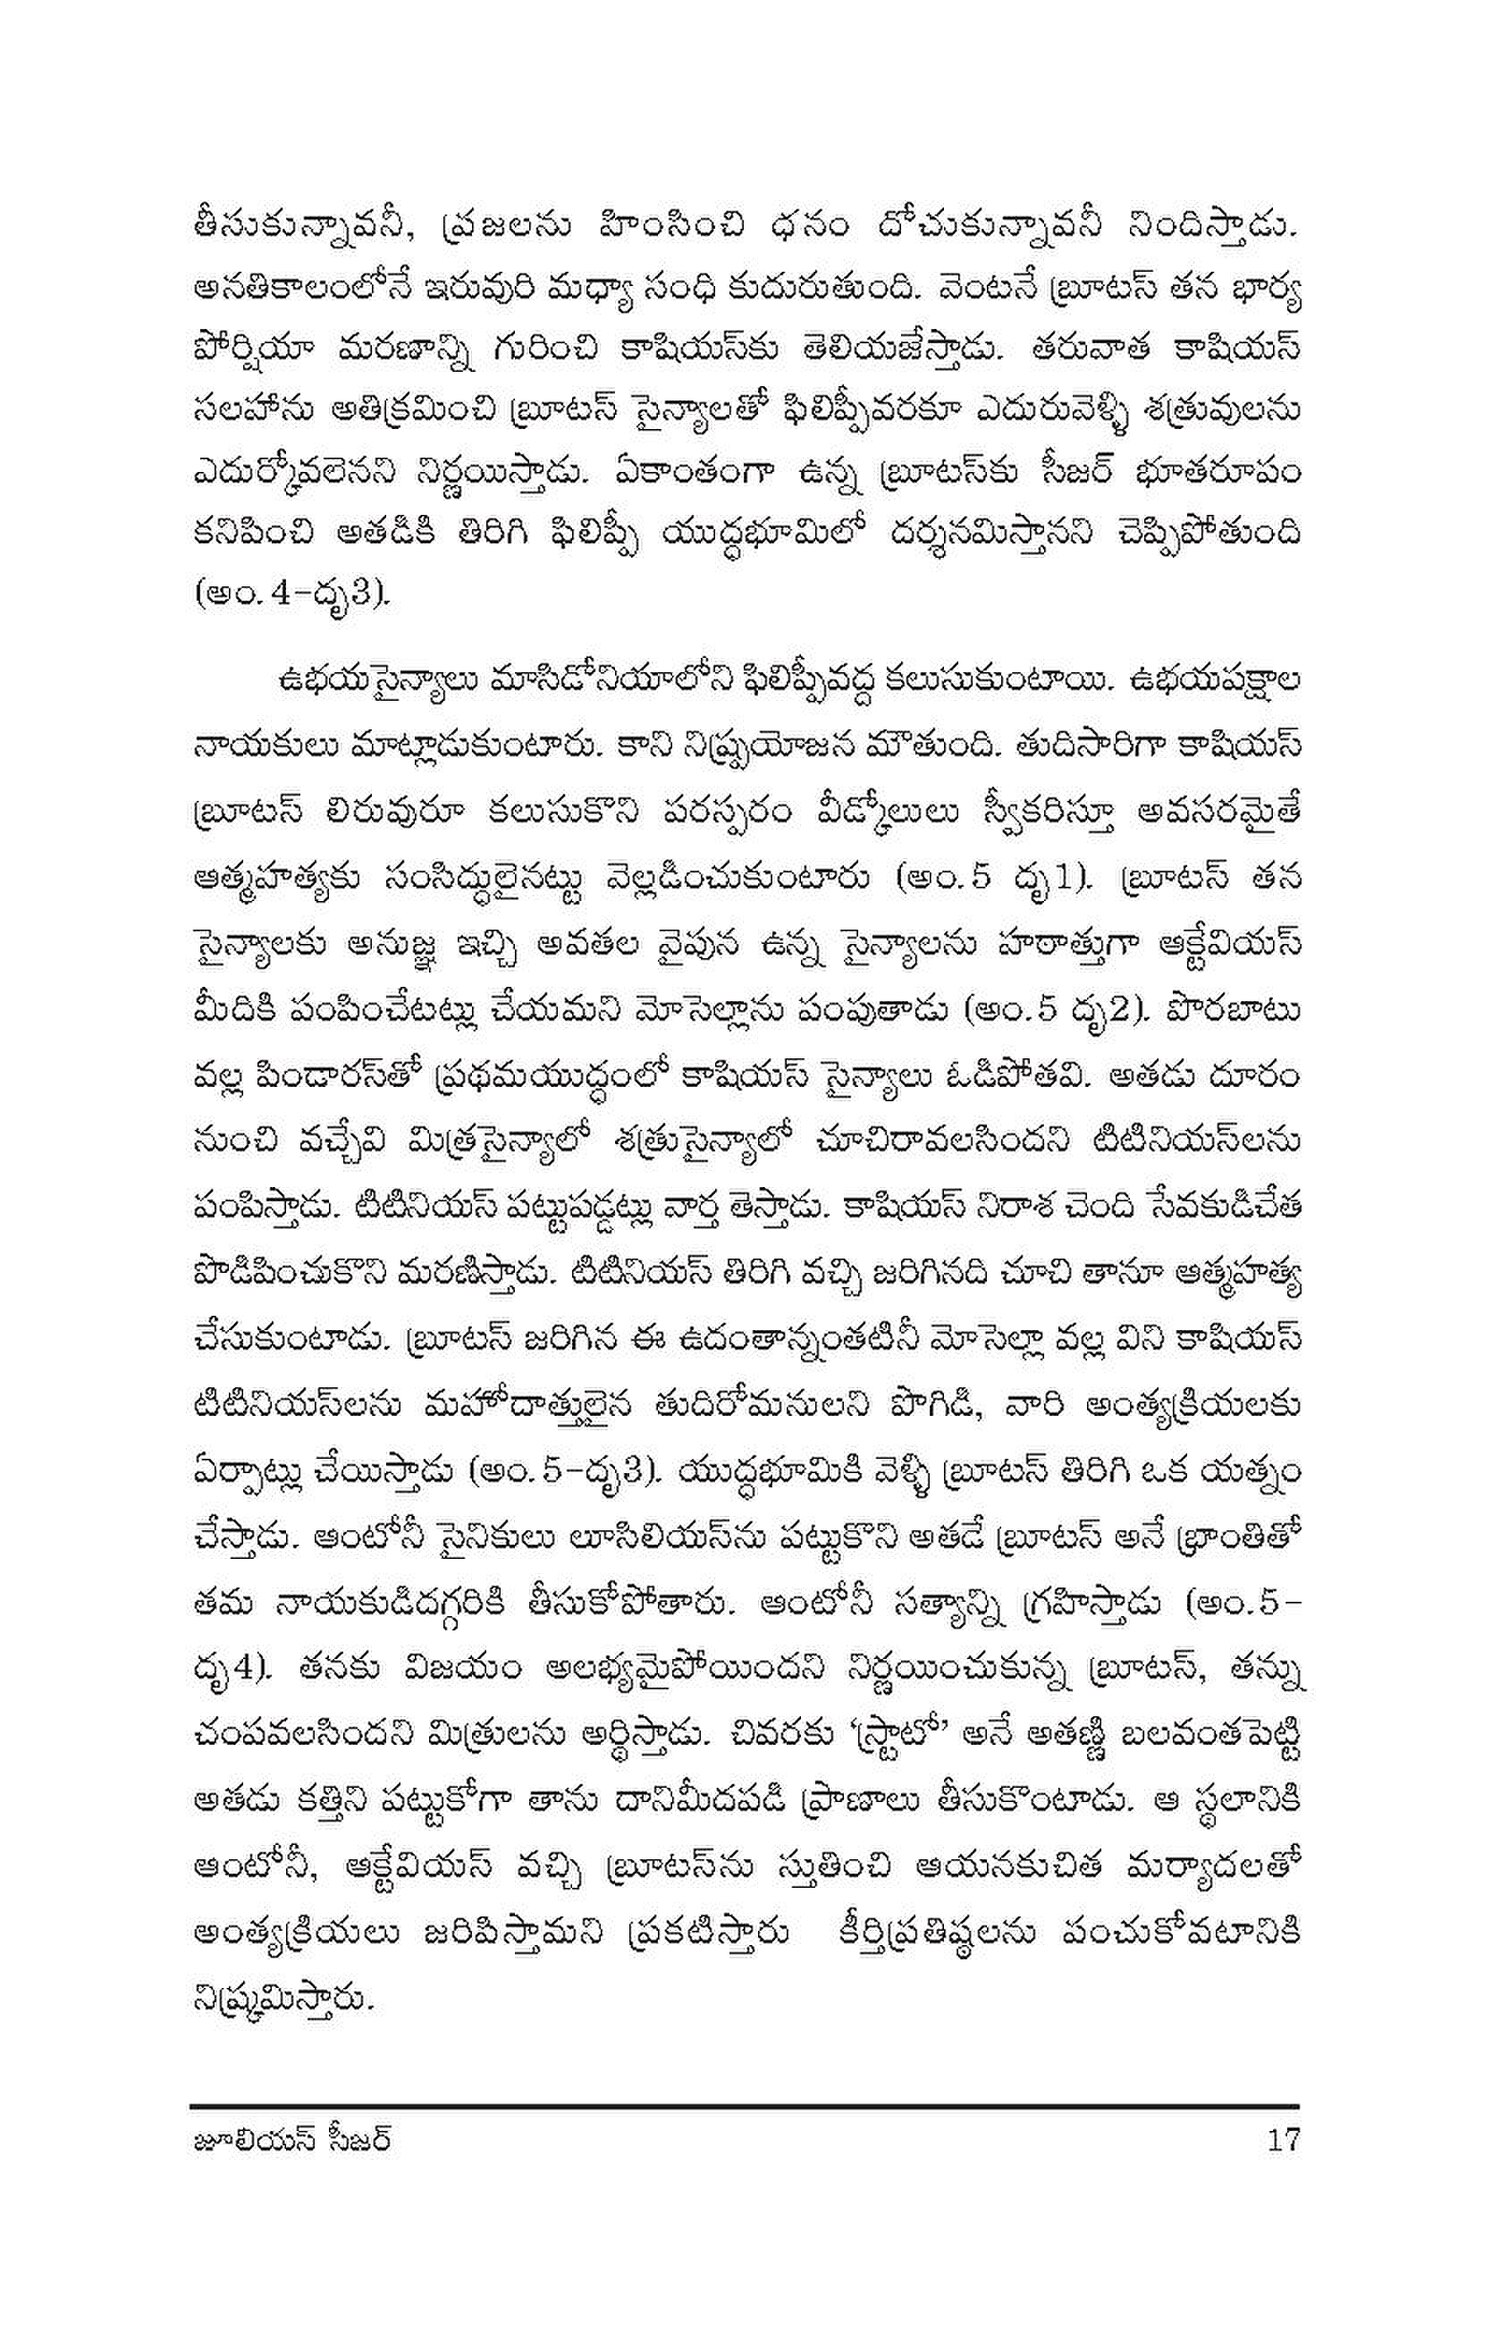తీసుకున్నావనీ, ప్రజలను హింసించి ధనం దోచుకున్నావనీ నిందిస్తాడు.
అనతికాలంలోనే ఇరువురి మధ్యా సంధి కుదురుతుంది. వెంటనే బ్రూటస్ తన భార్య పోర్షియా మరణాన్ని గురించి కాషియస్ కు తెలియజేస్తాడు. తరువాత కాషియస్ సలహాను అతిక్రమించి బ్రూటస్ సైన్యాలతో ఫిలిప్పీవరకూ ఎదురువెళ్ళి శత్రువులను ఎదుర్కోవలెనని నిర్ణయిస్తాడు. ఏకాంతంగా ఉన్న బ్రూటను సీజర్ భూతరూపం కనిపించి అతడికి తిరిగి ఫిలిప్పీ యుద్ధభూమిలో దర్శనమిస్తానని చెప్పిపోతుంది (అం.4-దృ3).

ఉభయసైన్యాలు మాసిడోనియాలోని ఫిలిప్పీవద్ద కలుసుకుంటాయి. ఉభయపక్షాల నాయకులు మాట్లాడుకుంటారు. కాని నిష్ప్రయోజన మౌతుంది. తుదిసారిగా కాషియస్ బ్రూటస్ లిరువురూ కలుసుకొని పరస్పరం వీడ్కోలులు స్వీకరిస్తూ అవసరమైతే ఆత్మహత్యకు సంసిద్ధులైనట్టు వెల్లడించుకుంటారు (అం.5 దృ1). బ్రూటస్ తన సైన్యాలకు అనుజ్ఞ ఇచ్చి అవతల వైపున ఉన్న సైన్యాలను హఠాత్తుగా ఆక్టేవియస్ మీదికి పంపించేటట్లు చేయమని మోసెల్లాను పంపుతాడు (అం.5 దృ2). పొరబాటు
వల్ల పిండారస్ లో ప్రథమయుద్ధంలో కాషియస్ సైన్యాలు ఓడిపోతవి. అతడు దూరం నుంచి వచ్చేవి మిత్రసైన్యాలో శత్రుసైన్యాలో చూచిరావలసిందని టిటినియన్లను పంపిస్తాడు. టిటినియస్ పట్టుపడ్డట్లు వార్త తెస్తాడు. కాషియస్ నిరాశ చెంది సేవకుడిచేత పొడిపించుకొని మరణిస్తాడు. టిటినియస్ తిరిగి వచ్చి జరిగినది చూచి తానూ ఆత్మహత్య
చేసుకుంటాడు. బ్రూటస్ జరిగిన ఈ ఉదంతాన్నంతటినీ మోసెల్లా వల్ల విని కాషియస్ టిటినియన్లను మహోదాత్తులైన తుది రోమనులని పొగిడి, వారి అంత్యక్రియలకు ఏర్పాట్లు చేయిస్తాడు (అం. 5-దృతి). యుద్ధభూమికి వెళ్ళి బ్రూటస్ తిరిగి ఒక యత్నం చేస్తాడు. ఆంటోనీ సైనికులు లూసిలియస్ ను పట్టుకొని అతడే బ్రూటస్ అనే భ్రాంతితో తమ నాయకుడిదగ్గరికి తీసుకోపోతారు. అంటోనీ సత్యాన్ని గ్రహిస్తాడు (అం.5-దృ4). తనకు విజయం అలభ్యమైపోయిందని నిర్ణయించుకున్న బ్రూటస్, తన్ను
చంపవలసిందని మిత్రులను అర్థిస్తాడు. చివరకు 'స్ట్రాటో' అనే అతణ్ణి బలవంతపెట్టి అతడు కత్తిని పట్టుకోగా తాను దానిమీదపడి ప్రాణాలు తీసుకొంటాడు. ఆ స్థలానికి ఆంటోనీ, ఆక్టేవియస్ వచ్చి బ్రూట న న్ను స్తుతించి ఆయనకుచిత మర్యాదలతో అంత్యక్రియలు జరిపిస్తామని ప్రకటిస్తారు కీర్తిప్రతిష్ఠలను పంచుకోవటానికి నిష్క్రమిస్తారు.